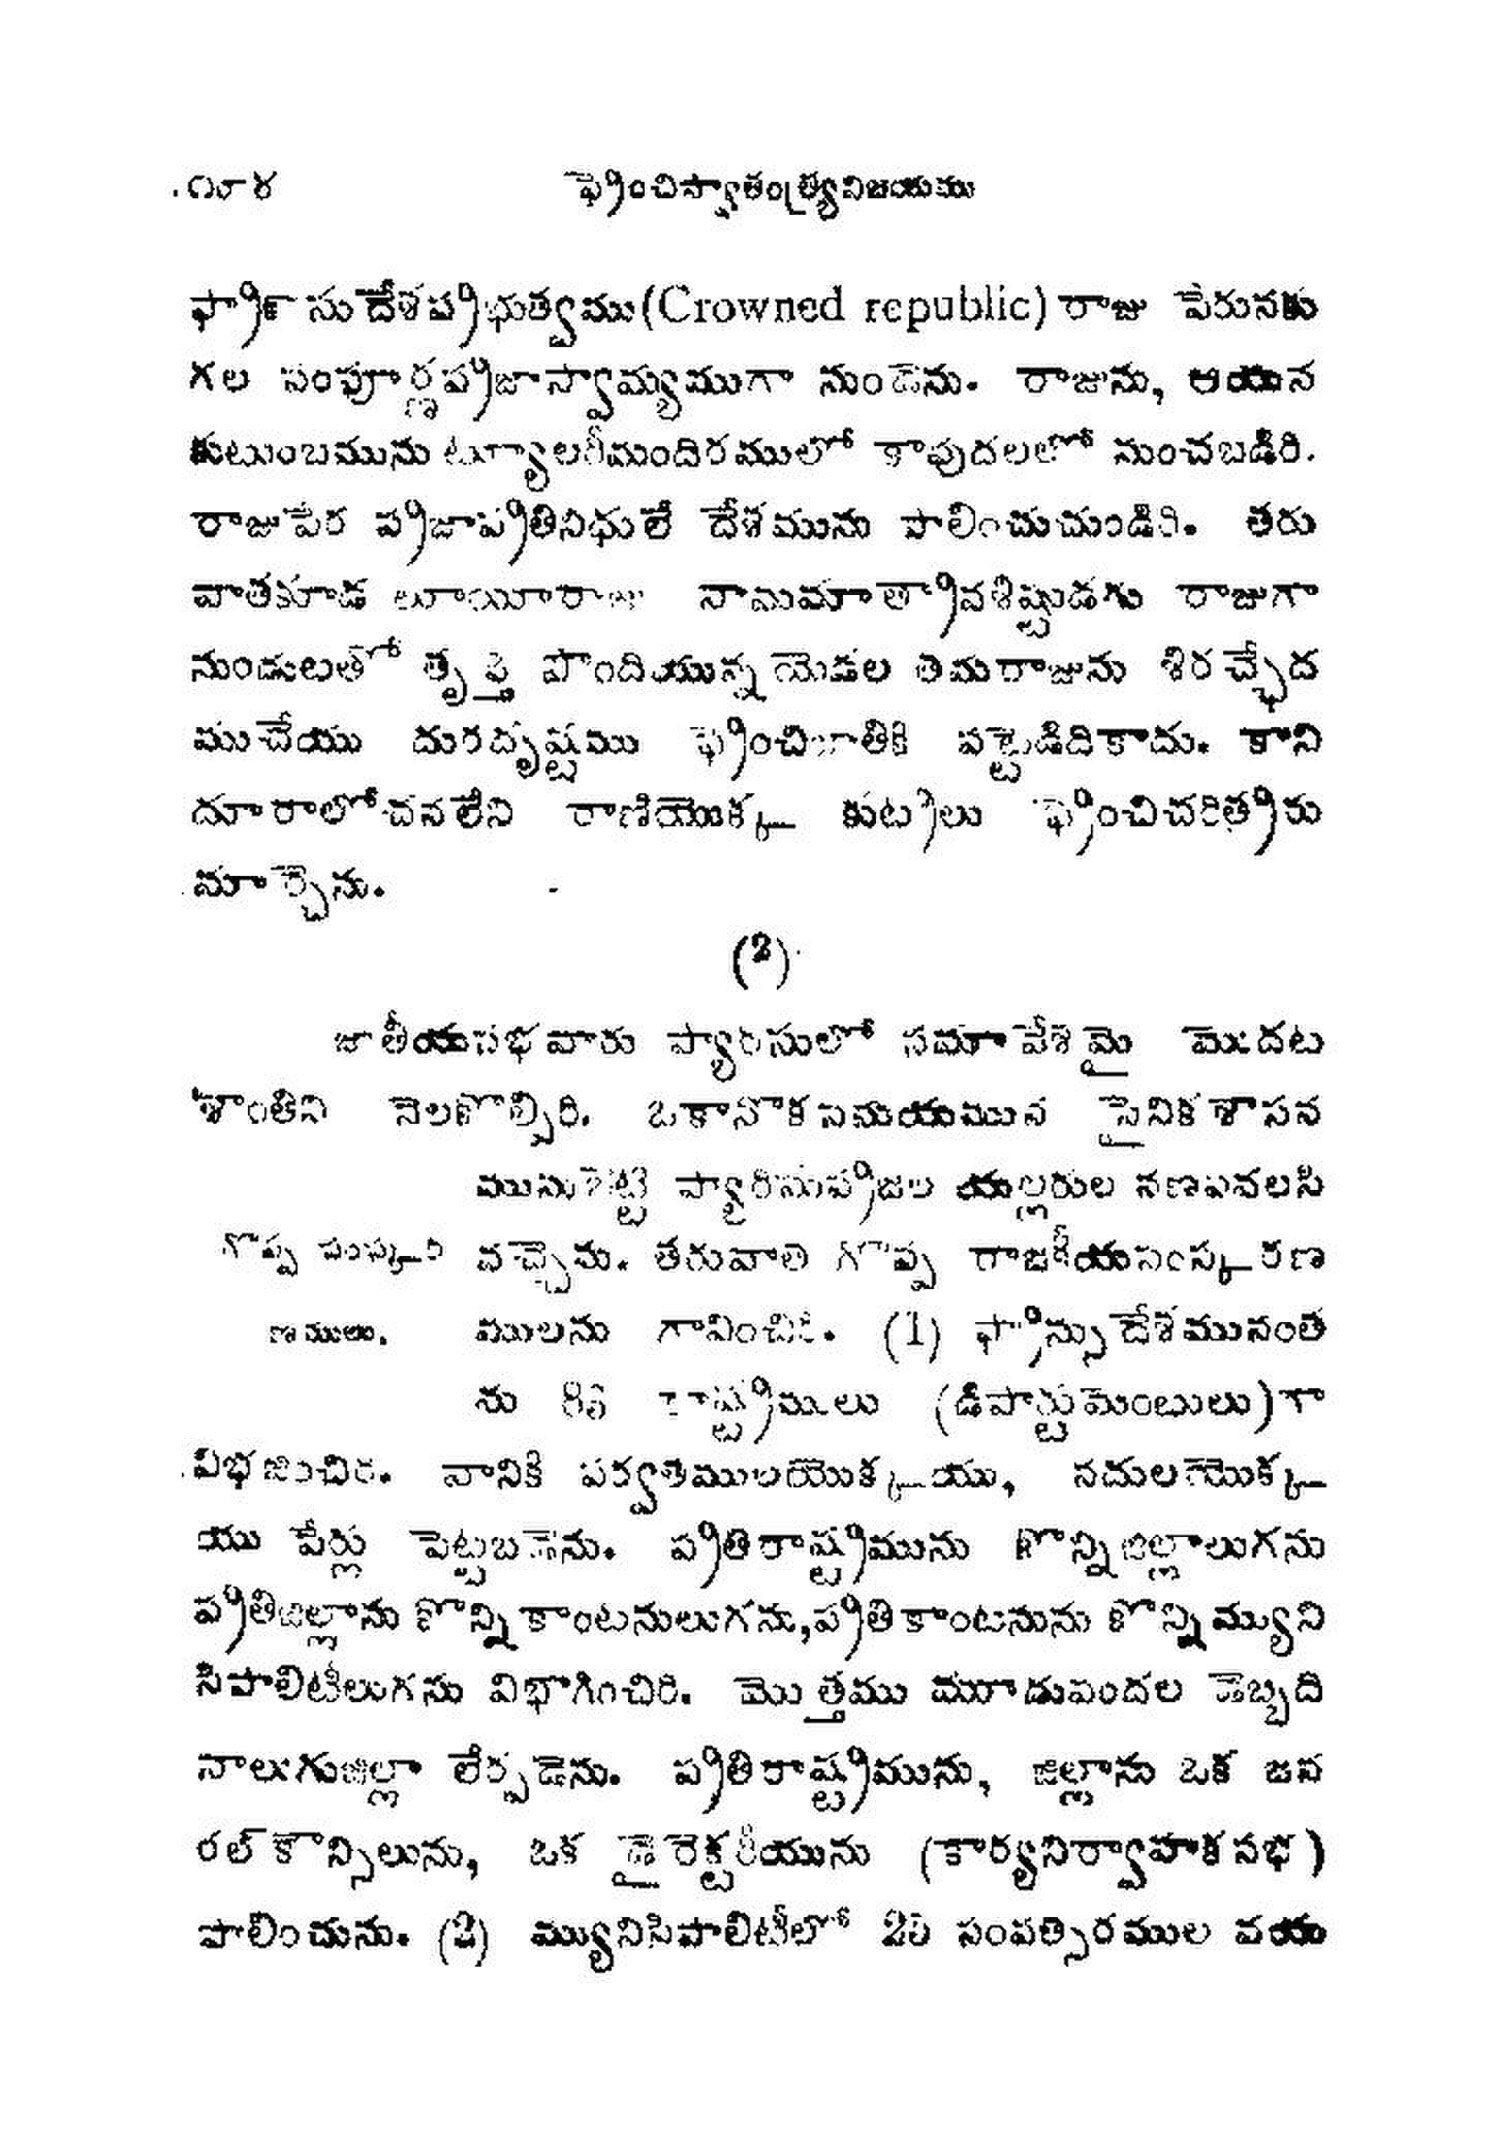ఫాన్సు దేశ ప్రభుత్వము (Crowned republic) రాజు పేరునకు
గల 'సంపూర్ణ ప్రజాస్వామ్యముగా నుండెను. రాజును, ఆయన
కుటుంబమును ట్యూలరీమందిరములో కావుదలలో నుంచబడిరి,
రాజు పేర ప్రజాప్రతినిధులే దేశమును పాలించుచుండిరి.
యరువాతకూడ లూయూ రాజు నామమాత్రావశిష్టుడగు రాజుగా
నుండులతో తృప్తి పొంది యున్న యెడల తమరాజును శిరచ్ఛేద
ముచేయు దురదృష్టము ఫ్రెంచిజాతికి పట్టెడిది కాదు. కాని
దూరాలోచన లేని రాణియొక్క కుటట్రలుఫ్రెంచి చరిత్రను
మార్చెను.

గొప్ప సంస్క
రణములు,
జూతీయ సభవారు ప్యారసులో సమావేశ మై మొదట
శాంతిని నెలకొల్పిరి. ఒకానొక సమయమున సైనిక శాసన
మునుపెట్టి ప్యారి సుప్రజల యల్లరుల సణపవలసి వచ్చెను.
 వచ్చెను. తరువాత గొప్ప రాజకీయసంస్కరణ
ములను గావించిరి. (1) ఫ్రాంస్సు దేశమునంతను
83 రాష్ట్రములు (డిపార్టుమెంబులు) గా
విభజించిక. వానికి పర్వతముల యొక్కయు,
నదుల యొక్కయు 'పేర్లు పెట్టుబడెను. ప్రతి రాష్ట్రమును కొన్ని జిల్లాలుగను
ప్రతి జిల్లాను కొన్ని కాంటనులుగను, ప్రతి కాంటసును కొన్ని మ్యుని
సిపాలిటీలుగ సు విభాగించిరి. మొత్తము మూడు పందల డెబ్బది
నాలుగు జిల్లా లేర్పడెను. ప్రతి రాష్ట్రమును, జిల్లాను ఒక జన
రల్ కౌన్సిలును, ఓక డైరెక్ట రీయును (కార్యనిర్వాహక సభ )
పాలించును. (2) మ్యునిసిపాలిటీలో 25 సంవత్సరముల వయ